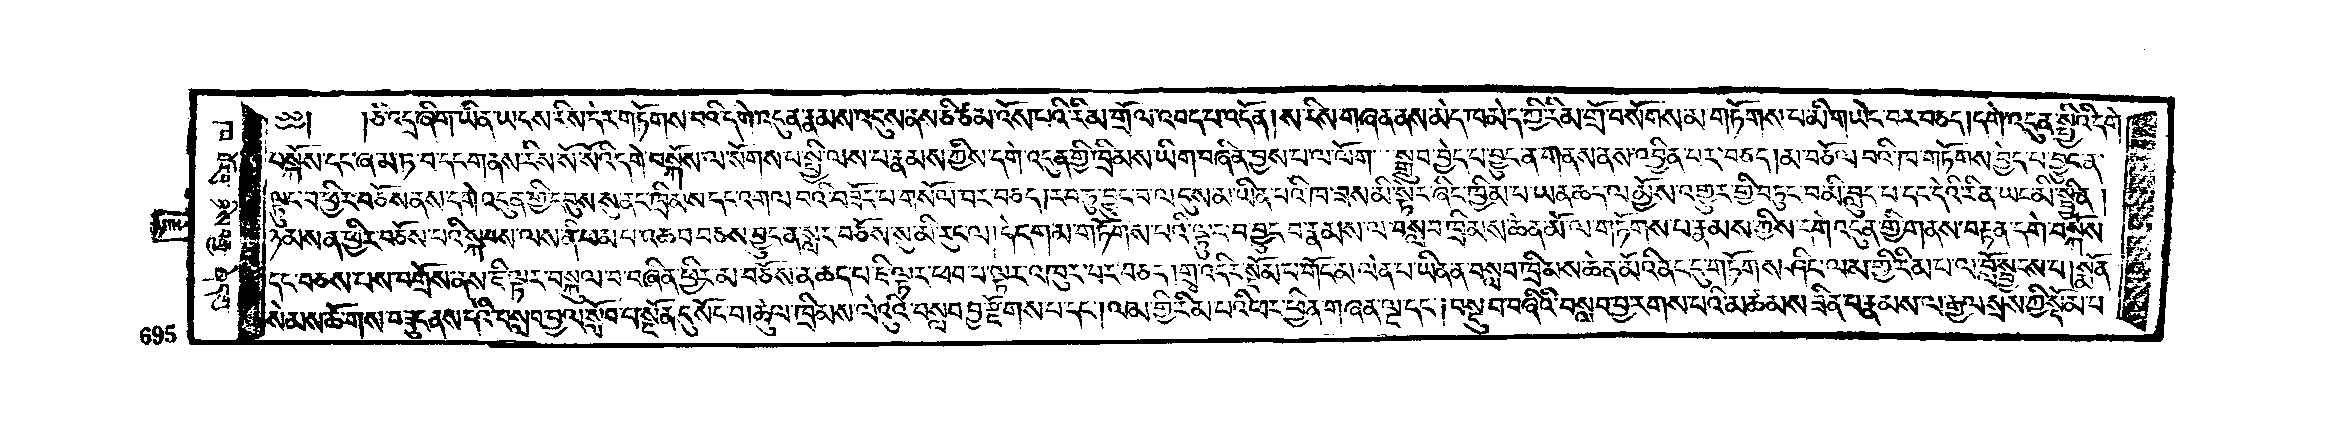༄༅། །ཅི་འདྲ་ཞིག་ཡིན་ཡངས་རིས་དེར་གཏོགས་པའི་དགེ་འདུན་རྣམས་འདུས་ནས་ཅི་ཙམ་འོས་པའི་རིམ་གྲོ་ལ་འབད་པ་འདོན། ས་རིས་གཞན་ནས་མེད་ཁ་མེད་གྱི་རིམ་གྲོ་བ་སོགས་མ་གཏོགས་མ་མི་གཡེང་བར་བཅད། དགེ་འདུན་སྤྱིའི་དགེ་
བསྐོས་དང་ཞལ་ཏ་བ་དང་གནས་རིས་སོ་སོའི་དགེ་སྐོས་ལ་སོགས་པ་སྤྱི་ལས་པ་རྣམས་ཀྱིས་དགེ་འདུན་གྱི་ཁྲིམས་ཡིག་བཞིན་བྱས་པ་ལ་ལོག་སྒྲུབ་བྱེད་པ་བྱུང་ན་གནས་ནས་འབྱིན་པར་བཅད། མ་བཅོལ། བའི་ཁ་གཏོགས་བྱེད་པ་བྱུང་ན་
ལྟུང་བ་ཕྱིར་བཅོས་ནས་དགེ་འདུན་གྱི་དབུས་སུ་ནང་ཁྲིམས་དང་འགལ་བའི་བཟོད་པ་གསོལ་བར་བཅད། རབ་ཏུ་བྱུང་བ་ལ་དུས་མ་ཡིན་པའི་ཁ་ཟས་མི་སྟེར་ཞིང་ཁྱིམ་པ་ཡན་ཆད་ལ་མྱོས་འགྱུར་གྱི་བཏུང་བ་མི་བླུད་པ་དང་དེའི་རིན་ཡང་མི་སྦྱིན།
ཉམས་ན་ཕྱིར་བཅོས་པའི་སྐབས་ལས་ནི་ཕམ་པ་འཚབ་བཅས་བྱུང་ན་སླར་བཅོས་སུ་མི་རུང་ལ། དེ་དག་མ་གཏོགས་པའི་ལྟུང་བ་བྱུང་བ་རྣམས་ལ་བསླབ་ཁྲིམས་ཆེན་མོ་ལ་གཏོགས་པ་རྣམས་ཀྱིས་དགེ་འདུང་ཡི་གནས་བརྟན་དགེ་བསྐོས་
དང་བཅས་པས་འགྲོས་ནས་ཇི་ལྟར་བསྐུལ་བ་བཞིན་ཕྱིར་མ་བཅོས་ན་ཆད་པ་ཇི་ལྟར་ཕབ་པ་ལྟར་འཁུར་པར་བཅད། གྲྭ་འདིར་སྡོམ་པ་གོང་མ་ལེན་པ་ཡིན་ན་བསླབ་ཁྲིམས་ཆེན་མོའི་ནང་དུ་གཏོགས་ཤིང་ལམ་གྱི་རིམ་པ་ལ་བློ་སྦྱངས་པ། སྨོན་
སེམས་ཆོ་གས་གཟུང་ནས་དེའི་བསླབ་བྱ་ལ་སློབ་པ་སྔོན་དུ་སོང་བ། ཚུལ་ཁྲིམས་ལེའུའི་བསླབ་བྱ་རྫོགས་པ་དང་། ལམ་གྱི་རིམ་པའི་ཕར་ཕྱིན་གཞན་ལྔ་དང་། བསྡུ་བ་བཞིའི་བསླབ་བྱ་རགས་པའི་མཚམས་ཟིན་པ་རྣམས་ལ་རྒྱལ་སྲས་ཀྱི་སྡོམ་པ་